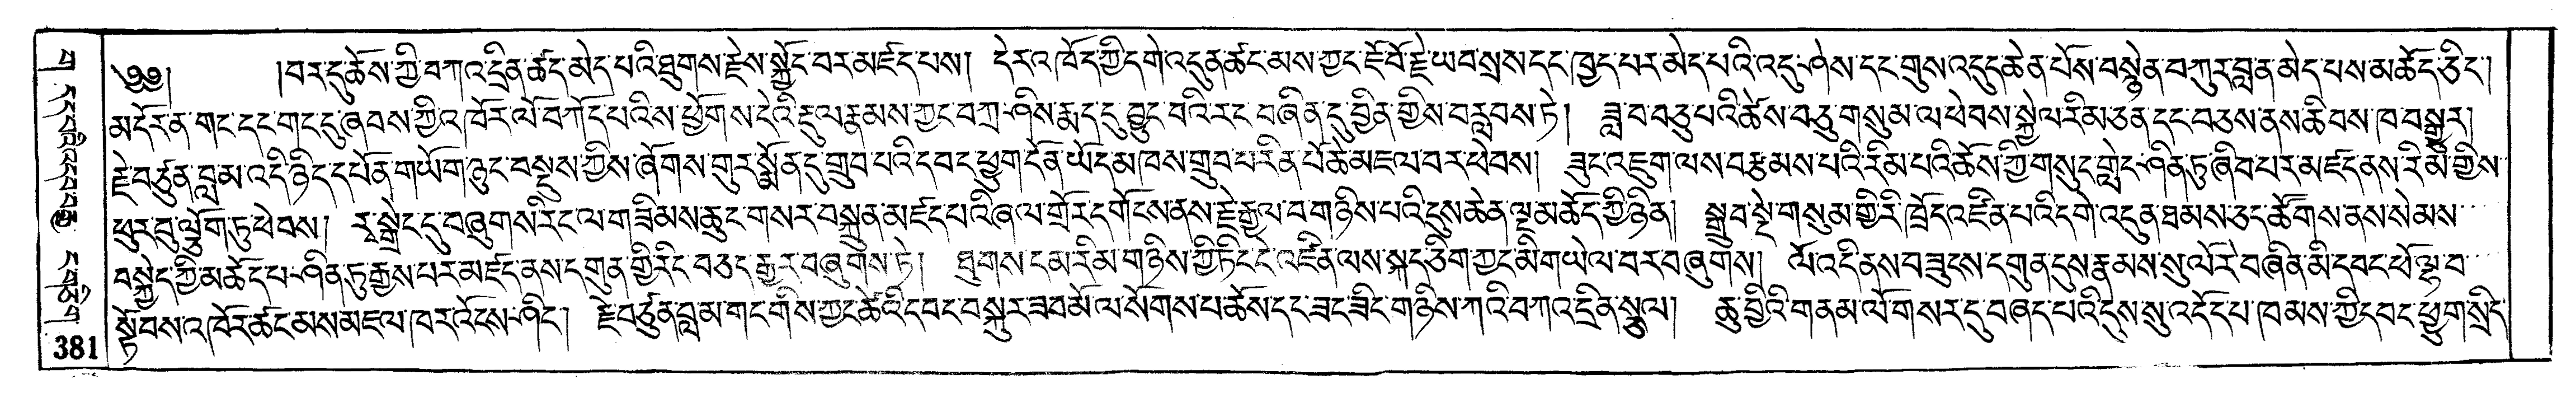༄༅། །པར་དུ་ཆོས་ཀྱི་བཀའ་དྲིན་ཚད་མེད་པའི་ཐུགས་རྗེས་སྐྱོང་བར་མཛད་པས། དེར་འཁོད་ཀྱི་དགེ་འདུན་ཚང་མས་ཀྱང་ཇོ་བོ་རྗེ་ཡབ་སྲས་དང་ཁྱད་བར་མེད་པའི་འདུ་ཤེས་དང་གུས་འདུད་ཆེན་པོས་བསྙེན་བཀུར་བླ་ན་མེད་པས་མཆོད་ཅིང་།
མདོར་ན་གང་དང་གང་དུ་ཞབས་ཀྱི་འཁོར་ལོ་བཀོད་པའི་ས་ཕྱོགས་དེའི་རྡུལ་རྣམས་ཀྱང་བཀྲ་ཤིས་རྨད་དུ་བྱུང་བའི་རང་བཞིན་དུ་བྱིན་གྱིས་བརླབས་ཏེ། ཟླ་བ་བཅུ་པའི་ཚེས་བཅུ་གསུམ་ལ་ཕེབས་སྐྱེལ་རིམ་ཅན་དང་བཅས་ནས་ཆི་བས་ཁ་བསྒྱུར།
རྗེ་བཙུན་བླ་མ་འདི་ཉིད་དཔོན་གཡོག་ཉུང་བསྡུས་ཀྱིས་ཞོགས་གུར་སྨོན་དུ་གྲུབ་པའི་དབང་ཕྱུག་དོན་ཡོད་མཁས་གྲུབ་པ་རིན་པོ་ཆེ་མཇལ་བར་ཕེབས། ཟུང་འཇུག་ལས་བརྩམས་པའི་དམ་པའི་ཆོས་ཀྱི་གསུང་གླེང་ཤིན་ཏུ་ཞིབ་པར་མཛད་ནས་རིམ་གྱིས་
ཕུར་བུ་ལྕོག་ཏུ་ཕེབས། རྭ་སྒྲེང་དུ་བཞུགས་རིང་ལ་གཟིམས་ཆུང་གསར་བསྐྲུན་མཛད་པའི་ཞལ་གྲོར་དགོངས་ནས་རྗེ་རྒྱལ་བ་གཉིས་པའི་དུས་ཆེན་ལྔ་མཆོད་ཀྱི་ཉིན། སྒྲུབ་སྡེ་གསུམ་གྱི་རི་ཁྲོད་འཛིན་པའི་དགེ་འདུན་ཐམས་ཅད་ཚོགས་ནས་སེམས་
བསྐྱེད་ཀྱི་མཆོད་པ་ཤིན་ཏུ་རྒྱས་པར་མཛད་ནས་དགུན་གྱི་རིང་བཅས་རྒྱར་བཞུགས་ཏེ། ཐུགས་དམ་རིམ་གཉིས་ཀྱི་ཏིང་ངེ་འཛིན་ལས་སྐད་ཅིག་ཀྱང་མི་གཡེལ་བར་བཞུགས། ལོ་འདི་ནས་བཟུངས་དགུན་དུས་རྣམས་སུ་ལོ་རེ་བཞིན་མི་དབང་བོ་ལྷ་བ་
སྟོབས་འཁོར་ཚང་མས་མཇལ་ཁར་འོངས་ཤིང་། རྗེ་བཙུན་བླ་མ་གང་གིས་ཀྱང་ཚེའི་དབང་བསྐུར་ཟབ་མོ་ལ་སོགས་པ་ཆོས་དང་ཟང་ཟིང་གཉིས་ཀའི་བཀའ་དྲིན་སྩལ། ཆུ་བྱིའི་གནམ་ལོ་གསར་དུ་བཞད་པའི་དུས་སུ་འདོད་པ་ཁམས་ཀྱི་དབང་ཕྱུག་སྲིད་